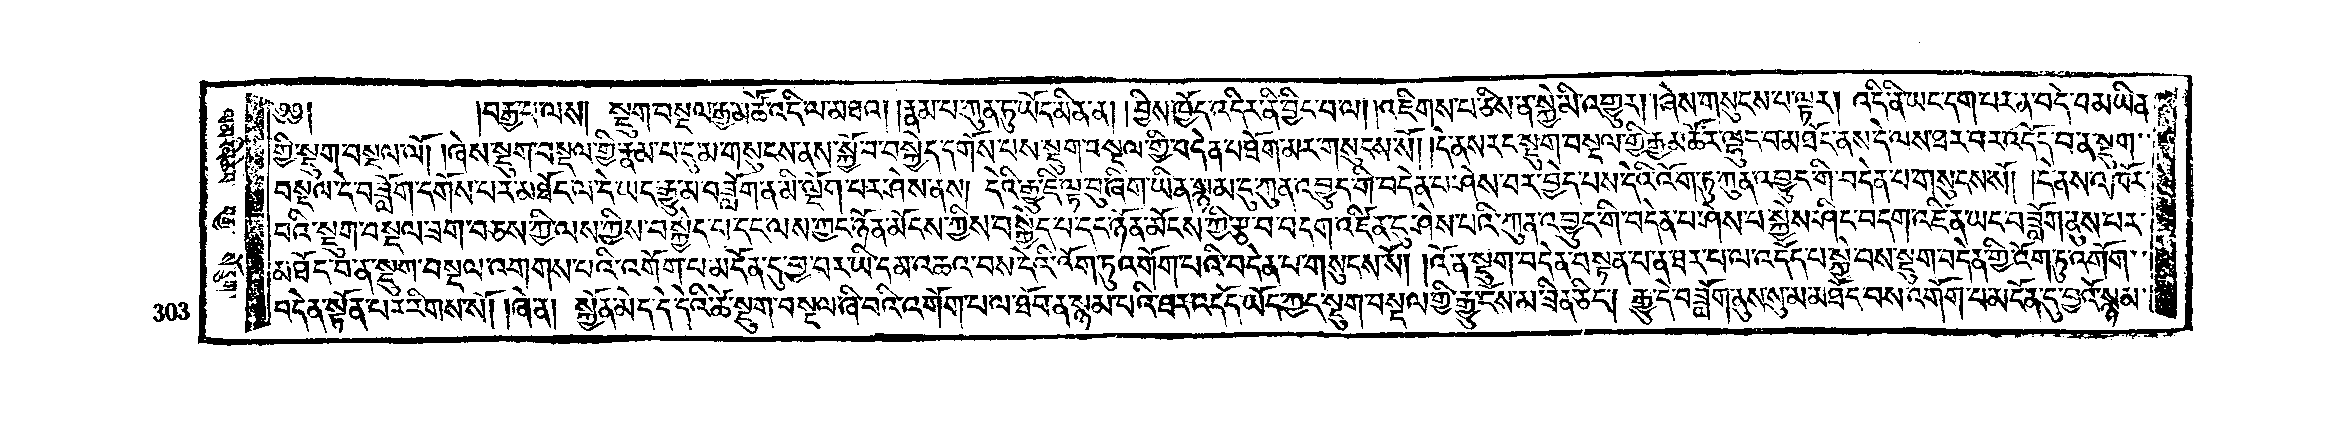༄༅། །བརྒྱ་པ་ལས། སྡུག་བསྔལ་རྒྱ་མཚོ་འདི་ལ་མཐའ། །རྣམ་པ་ཀུན་ཏུ་ཡོད་མིན་ན། །བྱིས་ཁྱོད་འདིར་ནི་བྱིང་བ་ལ། །འཇིགས་པ་ཅིས་ན་སྐྱེ་མི་འགྱུར། །ཞེས་གསུངས་པ་ལྟར། འདི་ནི་ཡང་དག་པར་ན་བདེ་བ་མ་ཡིན་
གྱི་སྡུག་བསྔལ་ལོ། །ཞེས་སྡུག་བསྔལ་གྱི་རྣམ་པ་དུ་མ་གསུངས་ནས་སྐྱོ་བ་བསྐྱེད་དགོས་པས་སྡུག་བསྔལ་གྱི་བདེན་པ་ཐོག་མར་གསུངས་སོ། །དེ་ནས་རང་སྡུག་བསྔལ་གྱི་རྒྱ་མཚོར་ལྷུང་བ་མཐོང་ནས་དེ་ལས་ཐར་བར་འདོད་པ་ན་སྡུག་
བསྔལ་དེ་བཟློག་དགོས་པར་མཐོང་ལ་དེ་ཡང་རྒྱུ་མ་བཟློག་ན་མི་ལྡོག་པར་ཤེས་ནས། དེའི་རྒྱུ་ཇི་ལྟ་བུ་ཞིག་ཡིན་སྙམ་དུ་ཀུན་འབྱུང་གི་བདེན་པ་ཤེས་པར་བྱེད་པས་དེའི་འོག་ཏུ་ཀུན་འབྱུང་གི་བདེན་པ་གསུངས་སོ། །དེ་ནས་འཁོར་
བའི་སྡུག་བསྔལ་ཟག་བཅས་ཀྱི་ལས་ཀྱིས་བསྐྱེད་པ་དང་ལས་ཀྱང་ཉོན་མོངས་ཀྱིས་བསྐྱེད་པ་དང་ཉོན་མོངས་ཀྱི་རྩ་བ་བདག་འཛིན་དུ་ཤེས་པའི་ཀུན་འབྱུང་གི་བདེན་པ་ཤེས་པ་སྐྱེས་ཤིང་བདག་འཛིན་ཡང་བཟློག་ནུས་པར་
མཐོང་བ་ན་སྡུག་བསྔལ་འགགས་པའི་འགོག་པ་མངོན་དུ་བྱ་བར་ཡི་དམ་འཆའ་བས་དེའི་འོག་ཏུ་འགོག་པའི་བདེན་པ་གསུངས་སོ། །འོ་ན་སྡུག་བདེན་བསྟན་པ་ན་ཐར་པ་ལ་འདོད་པ་སྐྱེ་བས་སྡུག་བདེན་གྱི་འོག་ཏུ་འགོག་
བདེན་སྟོན་པར་རིགས་སོ། །ཞེ་ན། སྐྱོན་མེད་དེ་དེའི་ཚེ་སྡུག་བསྔལ་ཞི་བའི་འགོག་པ་ལ་ཐེབ་ན་སྙམ་པའི་ཐར་འདོད་ཡོད་ཀྱང་སྡུག་བསྔལ་གྱི་རྒྱུ་ངོས་མ་ཟིན་ཅིང་། རྒྱུ་དེ་བཟློག་ནུས་སུ་མ་མཐོང་བས་འགོག་པ་མངོན་དུ་བྱའོ་སྙམ་